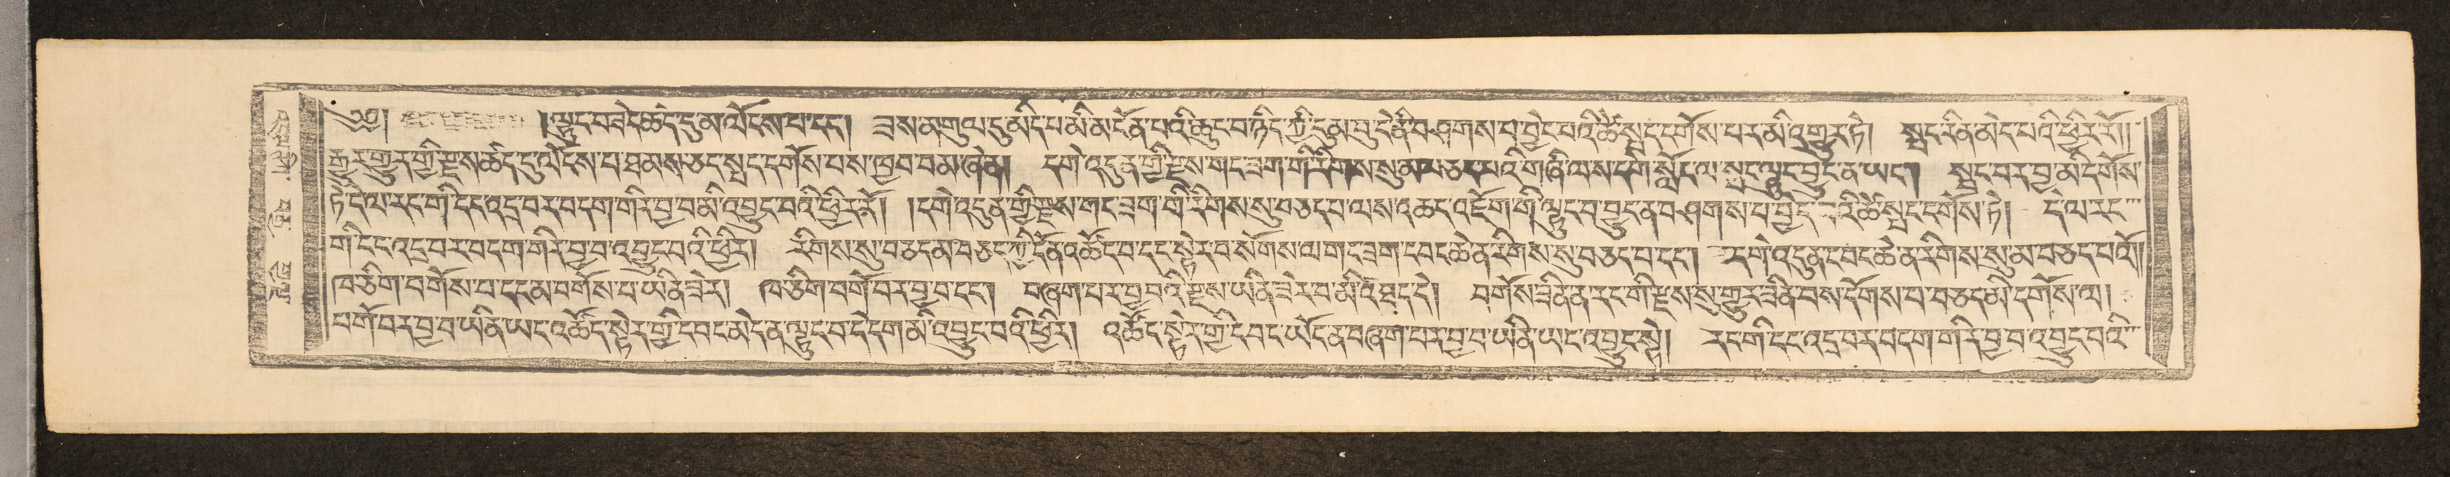༄༅། །ལྷུང་བཟེད་ཚད་དུ་མ་ལོངས་པ་དང་། ཟས་མགུལ་དུ་མིད་པ་མི་མངོན་པའི་ཆུང་བ་ཉིད་ཀྱི་དུམ་བུ་དེ་ནི་བཤགས་པ་བྱེད་པའི་ཚེ་སྤང་དགོས་པར་མི་འགྱུར་ཏེ། སྤང་རིན་མེད་པའི་ཕྱིར་རོ།།
རྒྱུར་གྱུར་གྱི་རྫས་ཚད་དུ་ལོངས་པ་ཐམས་ཅད་སྤང་དགོས་པས་ཁྱབ་བམ་ཞེ་ན། དགེ་འདུན་གྱི་རྫས་གང་ཟག་གི་རིགས་སུམ་བཅད་པའི་གཞི་ལས་དགེ་སློང་ལ་སྤང་ལྟུང་བྱུང་ན་ཡང་། སྤང་བར་བྱ་མི་དགོས་
ཏེ་དེ་ལ་རང་གི་དང་འདྲ་བར་བདག་གིར་བྱ་བ་མི་འབྱུང་བའི་ཕྱིར་རོ། །དགེ་འདུན་གྱི་རྫས་གང་ཟག་གི་རིགས་སུ་བཅད་པ་ལས་འཆང་འཇོག་གི་ལྟུང་བ་བྱུང་ན་བཤགས་པ་བྱེད་པའི་ཚེ་སྤང་དགོས་ཏེ། དེ་ལ་རང་
གི་དང་འདྲ་བར་བདག་གིར་བྱ་བ་འབྱུང་བའི་ཕྱིར། རིགས་སུ་བཅད་མ་བཅད་ཀྱི་དོན་འཚོང་བ་དང་སྟེར་བ་སོགས་ལ་གང་ཟག་དབང་ཆེན་རིགས་སུ་བཅད་པ་དང་། དགེ་འདུན་དབང་ཆེན་རིགས་སུ་མ་བཅད་པའོ།།
ཁ་ཅིག་བགོས་པ་དང་མ་བགོས་པ་ཡིན་ཟེར། ཁ་ཅིག་བགོ་བར་བྱ་བ་དང་། བཞག་པར་བྱ་བའི་རྫས་ཡིན་ཟེར་བ་མི་འཐད་དེ། བགོས་ཟིན་ན་རང་གི་རྫས་སུ་གྱུར་ཟིན་པས་དོགས་པ་བཅད་མི་དགོས་ལ།
བགོ་བར་བྱ་བ་ཡིན་ཡང་འཚོང་སྟེར་གྱི་དབང་མེད་ན་ལྟུང་བ་དེ་དག་མི་འབྱུང་བའི་ཕྱིར། འཚོང་སྟེར་གྱི་དབང་ཡོད་ན་བཞག་པར་བྱ་བ་ཡིན་ཡང་འབྱུང་སྟེ།། རང་གི་དང་འདྲ་བར་བདག་གིར་བྱ་བ་འབྱུང་བའི་